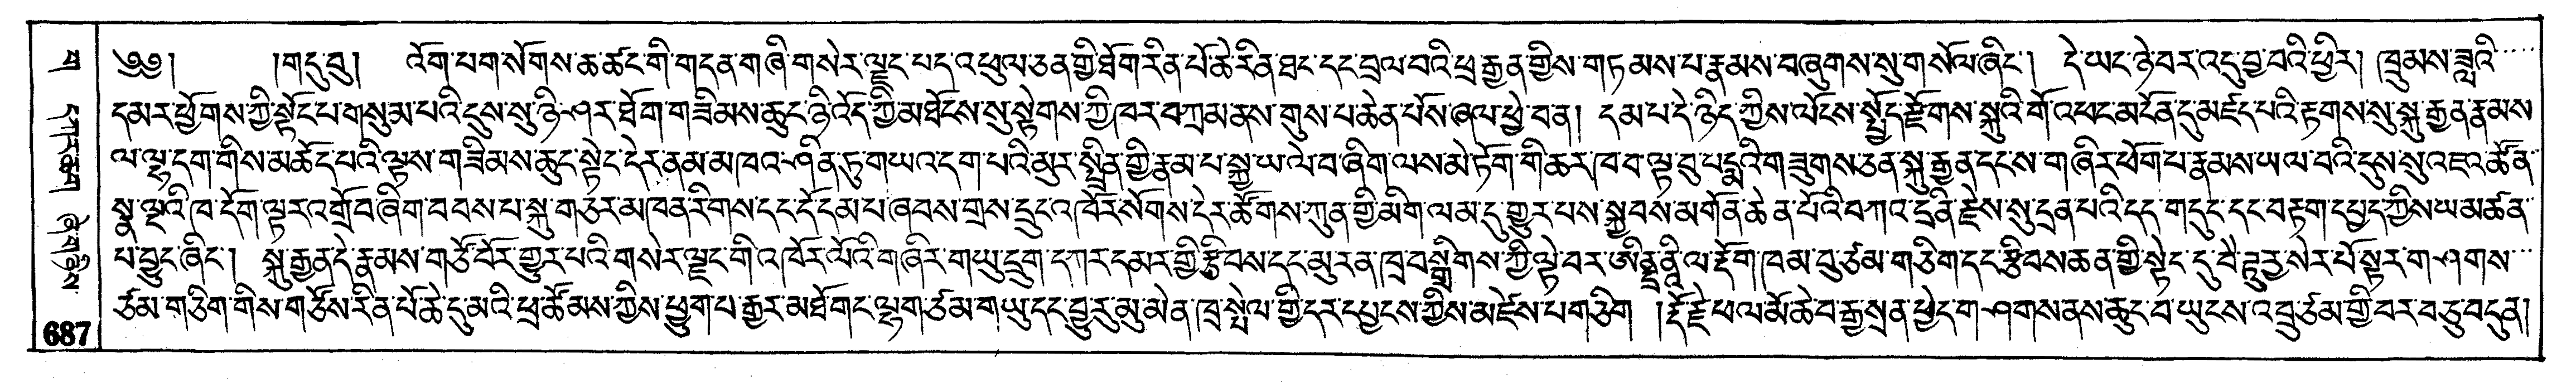༄༅། །གདུ་པུ། འོག་པག་སོགས་ཆ་ཚང་གི་གདན་གཞི་གསེར་ལྗང་པད་འཕུལ་ཅན་གྱི་ཐོག་རིན་པོ་ཆེ་རིན་ཐང་དང་བྲལ་བའི་ཕྲ་རྒྱན་གྱིས་གཏམས་པ་རྣམས་བཞུགས་སུ་གསོལ་ཞིང་། དེ་ཡང་ཉེ་བར་འདུ་བྱ་བའི་ཕྱིར། ཁྲུམས་ཟླའི་
དམར་ཕྱོགས་ཀྱི་སྟོང་པ་གསུམ་པའི་དུས་སུ་ཉི་ཤར་ཐོག་གཟིམས་ཆུང་ཉི་འོད་ཀྱི་མཐོངས་སུ་སྟེགས་ཀྱི་ཁར་བཀྲམ་ནས་གུས་པ་ཆེན་པོས་ཞལ་ཕྱེ་བ་ན། དམ་པ་དེ་ཉིད་ཀྱིས་ལོངས་སྤྱོད་རྫོགས་སྐུའི་གོ་འཕང་མངོན་དུ་མཛད་པའི་རྟགས་སུ་སྐུ་རྒྱན་རྣམས་
ལ་ལྷ་དག་གིས་མཆོད་པའི་ལྟས་གཟིམས་ཆུང་སྟེང་དེར་ནམ་མཁའ་ཤིན་ཏུ་གཡའ་དག་པའི་མུར་སྦྲིན་གྱི་རྣམ་པ་སྐྱ་ཡ་ལེ་བཞིག་ལས་མེ་ཏོག་གི་ཆར་ཁ་བལྟ་བུ་པདམའི་གཟུགས་ཅན་སྐུ་རྒྱན་དང་ས་གཞིར་ཕོག་པ་རྣམས་ཡལ་བའི་དུས་སུ་འཇའ་ཚོན་
སྣ་ལྔའི་ཁ་དོག་ལྟར་འགྲོ་བ་ཞིག་བབས་པ་སྐུ་གཅར་མཁན་རིགས་དང་དོ་དམ་པ་ཞབས་གྲས་དྲུང་འཁོར་སོགས་དེར་ཚོགས་ཀུན་གྱི་མིག་ལམ་དུ་གྱུར་པས་སྐྱབས་མགོན་ཆེན་པོའི་བཀའ་དྲིན་རྗེས་སུ་དྲན་པའི་དད་གདུང་དང་བརྟག་དཔྱད་ཀྱིས་ཡ་མཚན་
པ་བྱུང་ཞིང་། སྐུ་རྒྱན་དེ་རྣམས་གཙོ་བོར་གྱུར་པའི་གསེར་ལྗང་གི་འཁོར་ལོའི་གཞིར་གཡུ་དྲུག་དཀར་དམར་གྱི་རྩིབས་དང་མུ་རན་ཁྲ་བསྒྲིགས་ཀྱི་ལྟེ་བར་ཨིནྡྲ་ནཱི་ལ་རྡོག་ཁམ་བུ་ཙམ་གཅིག་དང་རྩིབས་ཆན་གྱི་སྟེང་དུ་བཻ་ཌཱུ་རྱ་སེར་པོ་སྟར་གཤགས་
ཙམ་གཅིག་གིས་གཙོས་རིན་པོ་ཆེ་དུ་མའི་ཕྲ་ཚོམས་ཀྱིས་ཕྱུག་པ་རྒྱར་མཐོ་གང་ལྷག་ཙམ་གཡུ་དང་བྱུ་རུ་མུ་མེན་ཁྲ་སྤེལ་གྱི་དར་དབྱངས་ཀྱིས་མཛེས་པ་གཅིག །རྡོ་རྗེ་ཕ་ལམ་ཆེ་བ་རྒྱ་སྲན་ཕྱེད་གཤགས་ནས་ཆུང་བ་ཡུངས་འབྲུ་ཙམ་གྱི་བར་བཅུ་བདུན།